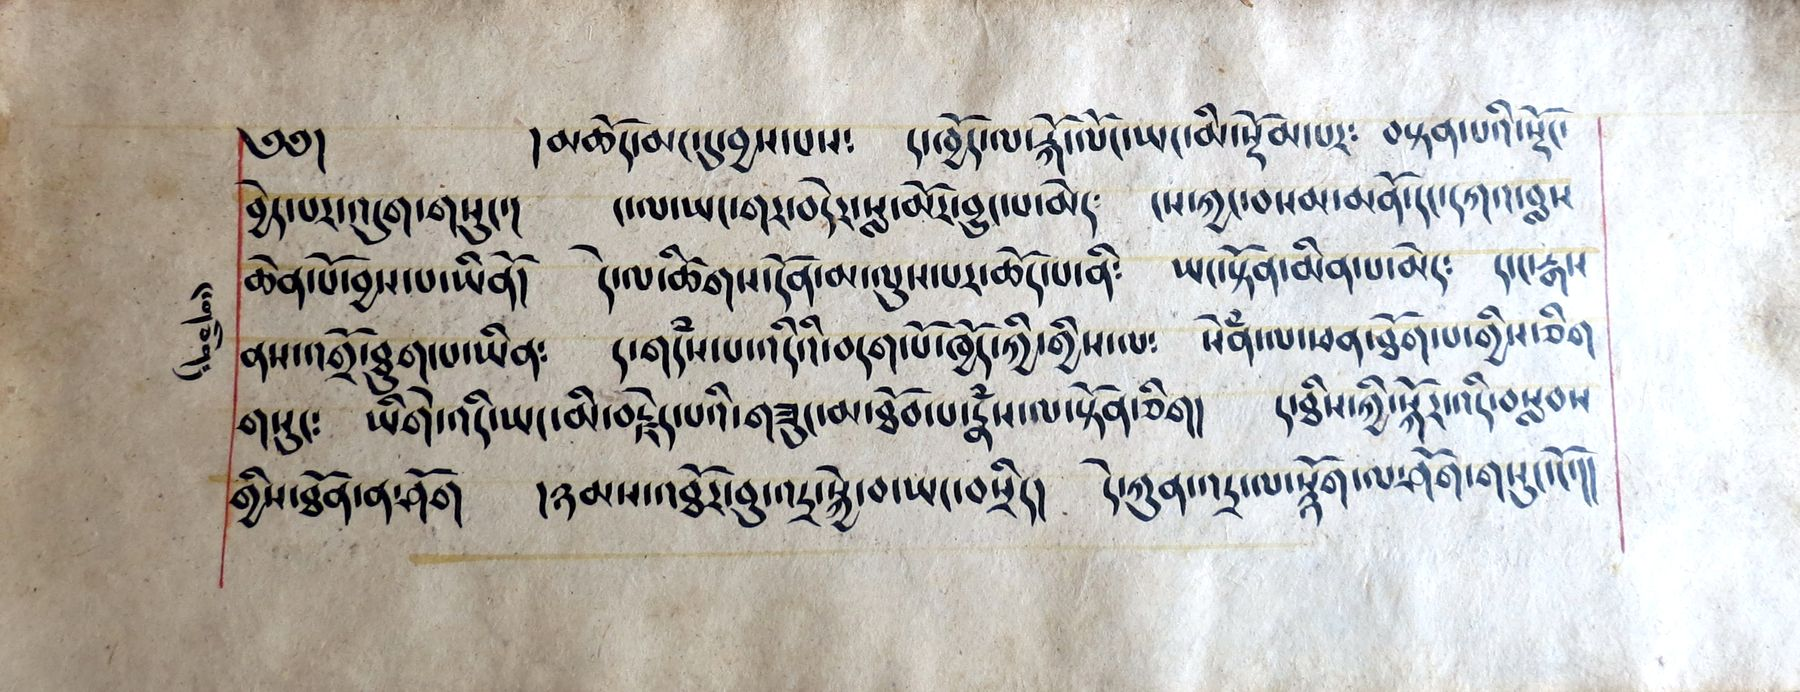མཆོད་མང་དུ་བྱས་པས། ད་ཁྱོད་ལ་ཀོ་ལོང་གིས་མི་སྡོམ་པར། བསྟན་པའི་སྡོང་
བྱེད་པར་འདུག་གསུངས། ང་ལ་ཡང་གར་བདེར་སླ་མོར་བྱུང་བ་མེད། ངས་ཀྱང་བསམ་མནོ་དང་དཀའ་ལས་
ཆེན་པོ་བྱས་པ་ཡིན་ནོ། དེ་ལ་ཚིག་དོན་མ་ལུས་པར་ཆོད་པ་ནི་ཡང་སྟོན་མིན་པ་མེད། ད་ང་རྒས་
ནས་འགྲོ་ཐུག་པ་ཡིན། ད་གདམས་པ་འདི་ཡི་བདག་པོ་ཁྱོད་ཀྱིས་གྱིས་ལ། སེམས་ཅན་ལ་ཕན་ཐོགས་པ་གྱིས་ཤིག་
གསུངས། ཡི་གེ་འདི་ཡང་མི་བརྗེད་པའི་གཟུངས་མ་ཐོབ་པ་རྣམས་ལ་ངོ་མཚར་ཆེ་བས་སྟོན་ཅིག་གསུངས། ད་ཐིས་ཀྱི་སྐོར་འདི་བསླབ་
ཀྱིས་ཐོན་ན་ཤོག ཉམས་ཐོར་བུ་འདྲ་སྐྱེ་བ་ཡང་སྲིད། དེ་ཀུན་འདྲ་ལ་སྙོགས་ལ་ཤོག་གསུང་ངོ་།